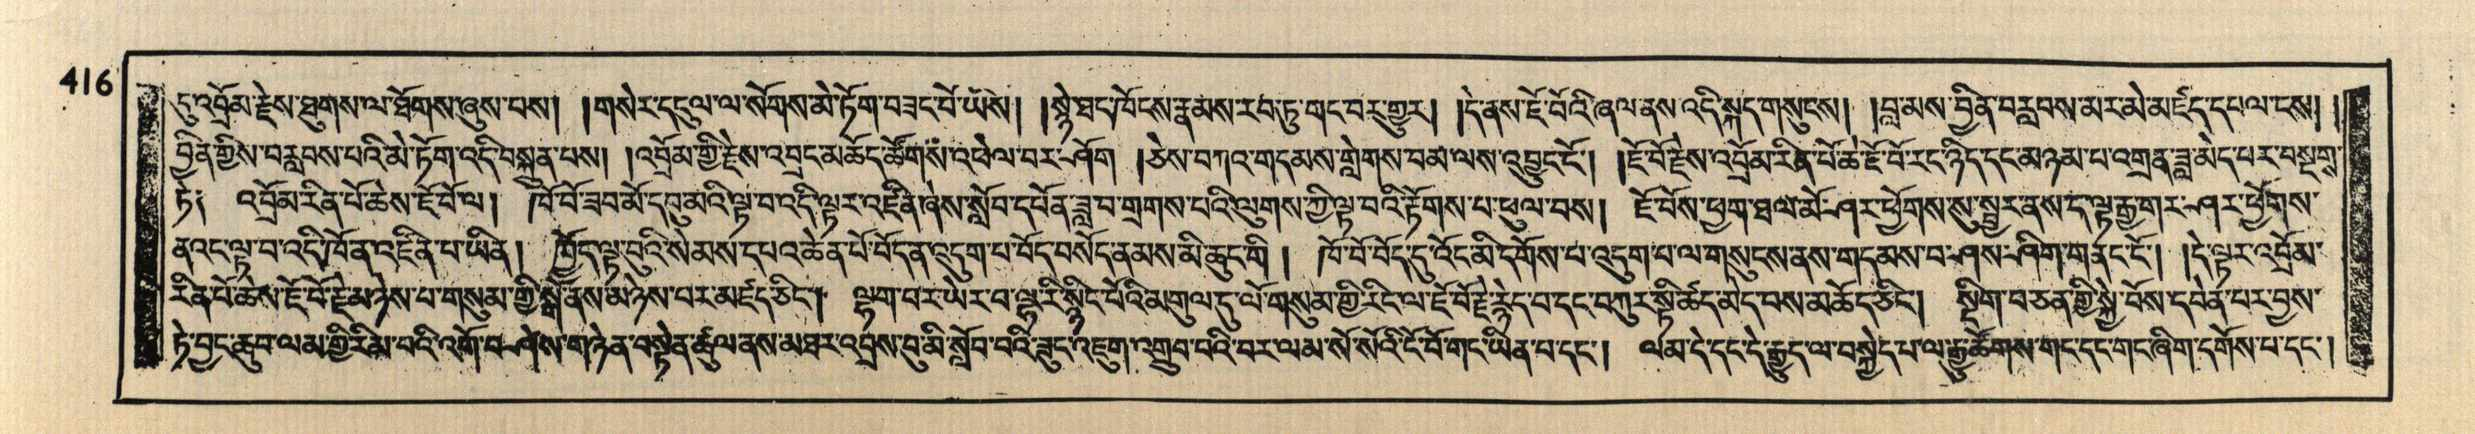དུ་འབྲོམ་རྗེས་ཐུགས་ལ་ཐོགས་ཞུས་པས། །གསེར་དངུལ་ལ་སོགས་མེ་ཏོག་བཟང་པོ་ཡིས། །སྙེ་ཐང་ཁོངས་རྣམས་རབ་ཏུ་གང་བར་གྱུར། །དེ་ནས་ཇོ་བོའི་ཞལ་ནས་འདི་སྐད་གསུངས། །བླ་མས་བྱིན་བརླབས་མར་མེ་མཛད་དཔལ་ངས། །
བྱིན་གྱིས་བརླབས་པའི་མེ་ཏོག་འདི་བསྐྲུན་པས། །འབྲོམ་གྱི་རྗེས་འབྲང་མཆོད་ཚོགས་འཕེལ་བར་ཤོག །ཅེས་བཀའ་གདམས་གླེགས་བམ་ལས་འབྱུང་ངོ། །ཇོ་བོ་རྗེས་འབྲོམ་རིན་པོ་ཆེ་ཇོ་བོ་རང་ཉིད་དང་མཉམ་པ་འགྲན་ཟླ་མེད་པར་བསྔགས་
ཏེ༑ འབྲོམ་རིན་པོ་ཆེས་ཇོ་བོ་ལ། ཁོ་བོ་ཟབ་མོ་དབུ་མའི་ལྟ་བ་འདི་ལྟར་འཛིན་ཞེས་སློབ་དཔོན་ཟླ་བ་གྲགས་པའི་ལུགས་ཀྱི་ལྟ་བའི་རྟོགས་པ་ཕུལ་བས། ཇོ་བོས་ཕྱག་ཐལ་མོ་ཤར་ཕྱོགས་སུ་སྦྱར་ནས་ད་ལྟ་རྒྱ་གར་ཤར་ཕྱོགས་
ནའང་ལྟ་བ་འདི་ཁོ་ན་འཛིན་པ་ཡིན། ཁྱོད་ལྟ་བུའི་སེམས་དཔའ་ཆེན་པོ་བོད་བསོད་ནམས་མི་ཆུང་གི། ཁོ་བོ་བོད་དུ་འོང་མི་དགོས་པ་འདུག་པ་ལ་གསུངས་ནས་གདམས་བ་ཤས་ཤིག་གནང་ངོ། །དེ་ལྟར་འབྲོམ་
རིན་པོ་ཆེས་ཇོ་བོ་རྗེ་མཉེས་པ་གསུམ་གྱི་སྒོ་ནས་མཉེས་པར་མཛད་ཅིང་། ལྷག་པར་ཡེར་བ་ལྷ་རི་སྙིང་པོའི་མགུལ་དུ་ལོ་གསུམ་གྱི་རིང་ལ་ཇོ་བོ་རྗེ་རྙེད་བ་དང་བཀུར་སྟི་ཚད་མེད་བས་མཆོད་ཅིང་། སྡིག་བ་ཅན་གྱི་སྐྱེ་བོས་དབེན་པར་བྱས་
ཏེ་བྱང་ཆུབ་ལམ་གྱི་རིམ་པའི་འགོ་བཤེས་གཉེན་བསྟེན་ཚུལ་ནས་མཐར་འབྲས་བུ་མི་སློབ་བའི་ཟུང་འཇུག་འགྲུབ་པའི་བར་ལམ་སོ་སོའི་ངོ་བོ་གང་ཡིན་པ་དང་། ལམ་དེ་དང་དེ་རྒྱུད་ལ་བསྐྱེད་པ་ལ་རྒྱུ་ཚོགས་གང་དང་གང་ཞིག་དགོས་པ་དང་།